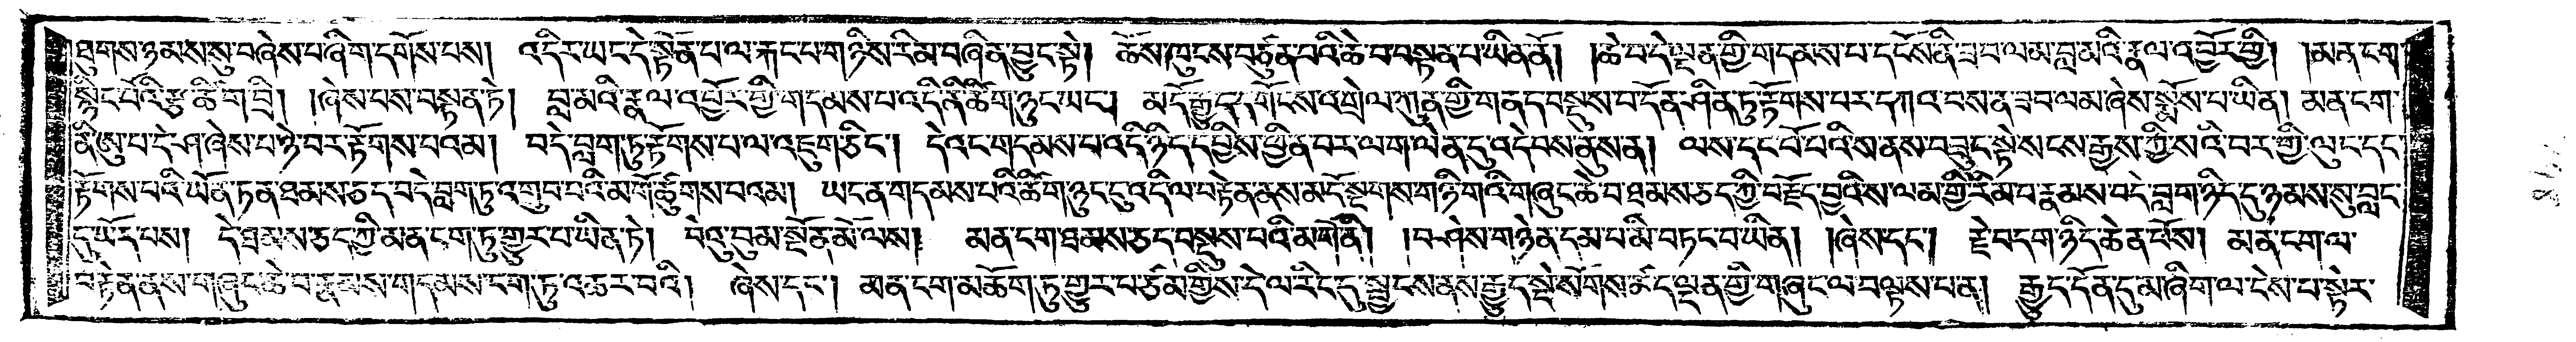ཐགས་ཉམས་སུ་བཞེས་པ་ཞིག་དགོས་པས། འདིར་ཡང་དེ་སྟོན་པ་ལ་རྐང་པ་གཉིས་རིམ་བཞིན་བྱུང་སྟེ། ཆོས་ཁུངས་བཙུན་པའི་ཆེ་བ་བསྟེན་པ་ཡིན་ནོ། །ཆེ་བ་དེ་ལྡན་གྱི་གདམས་པ་དངོས་ནི་ཟབ་ལམ་བླ་མའི་རྣལ་འབྱོར་གྱི། །མན་ངག་
སྙིང་པོའི་རྩ་ཚིག་བྲི། །ཞེས་པས་བསྟན་ཏེ། བླ་མའི་རྣལ་འབྱོར་གྱི་གདམས་པ་འདི་ནི་ཚིག་ཉུང་ཡང་། མདོ་རྒྱུད་དགོངས་འགྲེལ་ཀུན་གྱི་གནད་བསྡུས་པ་དོན་ཤིན་ཏུ་རྟོགས་པར་དཀའ་པས་ན་ཟབ་ལམ་ཞེས་སྨོས་པ་ཡིན། །མན་ངག་
ནི་ཨུ་པ་ངེ་ཤ་ཞེས་པ་ཉེ་བར་རྟོགས་པའམ། བདེ་བླག་ཏུ་རྟོགས་པ་ལ་འཇུག་ཅིང་། དེའང་གདམས་པ་འདི་ཉིད་དཔྱིས་ཕྱིན་པར་ལག་ལེན་དུ་འདེབས་ནུས་ན། ལས་དང་པོ་པའི་ས་ནས་བཟུང་སྟེ་སངས་རྒྱས་ཀྱི་སའི་བར་གྱི་ལུང་དང་
རྟོགས་པའི་ཡོན་ཏན་ཐམས་ཅད་བདེ་བླག་ཏུ་འགྲུབ་པའི་མགོ་ཚུགས་པའམ། ཡང་ན་གདམས་པའི་ཚིག་ཉུང་དུ་འདི་ལ་བརྟེན་ནས་མདོ་སྔགས་གཉི་གའི་གཞུང་ཆེ་བ་ཐམས་ཅད་ཀྱི་བརྗོད་བྱའི་ས་ལམ་གྱི་རིམ་བརྣམས་བདེ་བླག་ཉིད་དུ་ཉམས་སུ་བླང་
དུ་ཡོད་པས། དེ་ཐམས་ཅད་ཀྱི་མན་ངག་ཏུ་གྱུར་པ་ཡིན་ཏེ། བེའུ་བུམ་སྔོན་མོ་ལས། མན་ངག་ཐམས་ཅད་བསྡུས་པའི་མགོ་ནི། །བཤེས་གཉེན་དམ་པ་མི་བཏང་བ་ཡིན། །ཞེས་དང་། རྗེ་བདག་ཉིད་ཆེན་པོས། མན་ངག་ལ་
བརྟེན་ནས་གཞུང་ཆེ་བ་རྣམས་གདམས་ངག་ཏུ་འཆར་བའི། ཞེས་དང་། མན་ངག་མཆོག་ཏུ་གྱུར་པ་ཙམ་གྱིས་དེ་ལ་རིང་དུ་སྦྱངས་ནས་རྒྱུད་སྡེ་སོགས་ཚད་ལྡན་གྱི་གཞུང་ལ་བལྟས་པ་ན། རྒྱུད་དོན་དུ་མ་ཞིག་ལ་ངེས་པ་སྟེར་